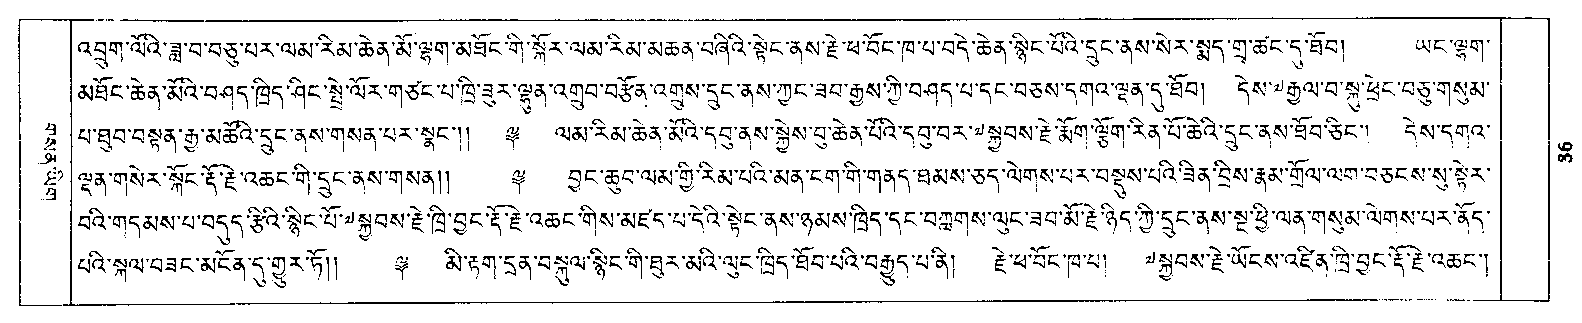འབྲུག་ལོའི་ཟླ་བ་བཅུ་པར་ལམ་རིམ་ཆེན་མོ་ལྷག་མཐོང་གི་སྐོར་ལམ་རིམ་མཆན་བཞིའི་སྟེང་ནས་རྗེ་ཕ་བོང་ཁ་པ་བདེ་ཆེན་སྙིང་པོའི་དྲུང་ནས་སེར་སྨད་གྲྭ་ཚང་དུ་ཐོབ། ཡང་ལྷག་
མཐོང་ཆེན་མོའི་བཤད་ཁྲིད་ཤིང་སྤྲེ་ལོར་གཙང་པ་ཁྲི་ཟུར་ལྷུན་འགྲུབ་བརྩོན་འགྲུས་དྲུང་ནས་ཀྱང་ཟབ་རྒྱས་ཀྱི་བཤད་པ་དང་བཅས་དགའ་ལྡན་དུ་ཐོབ། དེས་༧་རྒྱལ་བ་སྐུ་ཕྲེང་བཅུ་གསུམ་
པ་ཐུབ་བསྟན་རྒྱ་མཚོའི་དྲུང་ནས་གསན་པར་སྣང།། ༈ ལམ་རིམ་ཆེན་མོའི་དབུ་ནས་སྐྱེས་བུ་ཆེན་པོའི་དབུ་བར་༧་སྐྱབས་རྗེ་རྨོག་ལྕོག་རིན་པོ་ཆེའི་དྲུང་ནས་ཐོབ་ཅིང་། དེས་དགའ་
ལྡན་གསེར་སྐོང་རྡོ་རྗེ་འཆང་གི་དྲུང་ནས་གསན།། ༈ བྱང་ཆུབ་ལམ་གྱི་རིམ་པའི་མན་ངག་གི་གནད་ཐམས་ཅད་ལེགས་པར་བསྡུས་པའི་ཟིན་བྲིས་རྣམ་གྲོལ་ལག་བཅངས་སུ་སྟེར་
བའི་གདམས་པ་བདུད་རྩིའི་སྙིང་པོ་༧་སྐྱབས་རྗེ་ཁྲི་བྱང་རྡོ་རྗེ་འཆང་གིས་མཛད་པ་དེའི་སྟེང་ནས་ཉམས་ཁྲིད་དང་བཀླགས་ལུང་ཟབ་མོ་རྗེ་ཉིད་ཀྱི་དྲུང་ནས་སྔ་ཕྱི་ལན་གསུམ་ལེགས་པར་ནོད་
པའི་སྐལ་བཟང་མངོན་དུ་གྱུར་ཏོ།། ༈ མི་རྟག་དྲན་བསྐུལ་སྙིང་གི་ཐུར་མའི་ལུང་ཁྲིད་ཐོབ་པའི་བརྒྱུད་པ་ནི། རྗེ་ཕ་བོང་ཁ་པ། ༧་སྐྱབས་རྗེ་ཡོངས་འཛིན་ཁྲི་བྱང་རྡོ་རྗེ་འཆང་།